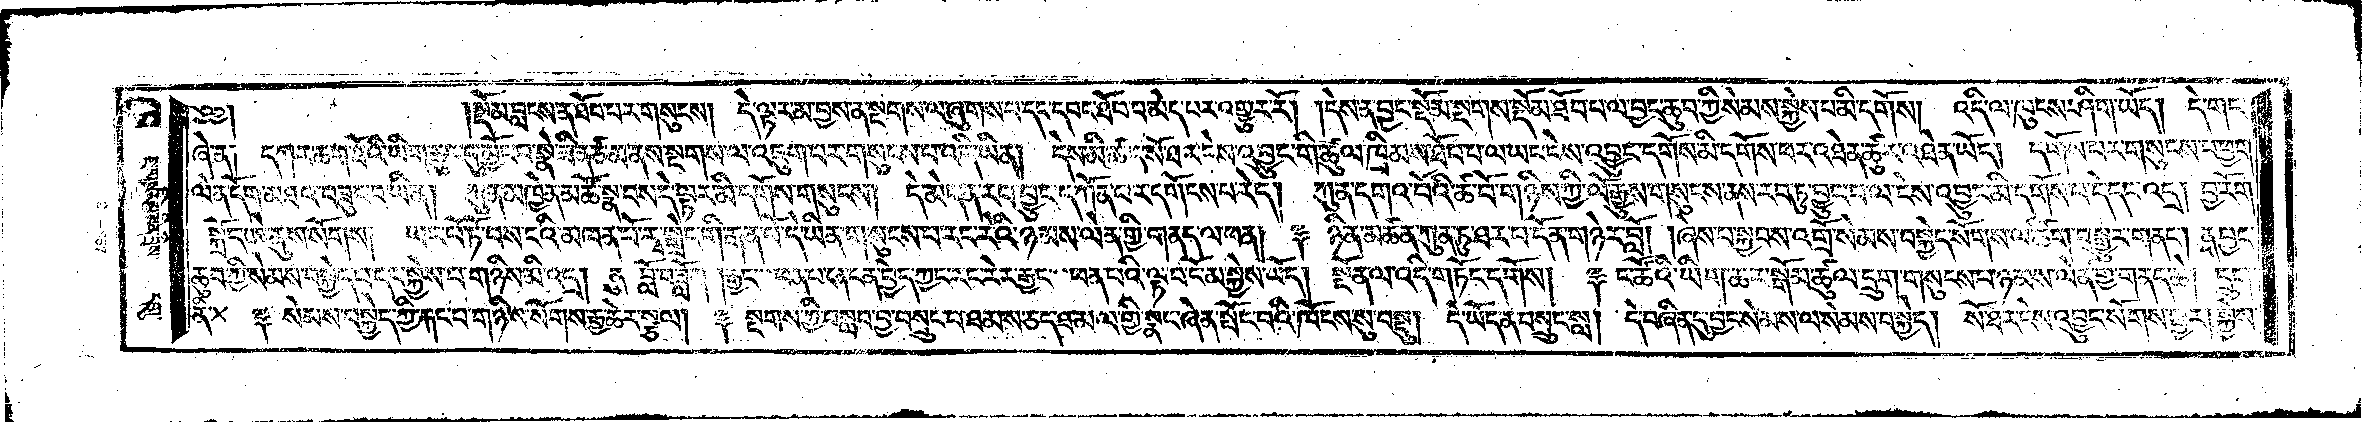༄༅། །སྡོམ་བླངས་ན་ཐོབ་པར་གསུངས། དེ་ལྟར་མ་བྱས་ན་སྔགས་ལ་ཞུགས་པ་དང་དབང་ཐོབ་པ་མེད་པར་འགྱུར་རོ། །དེས་ན་བྱང་སྡོམ་སྔགས་སྡོམ་ཐོབ་པ་ལ་བྱང་ཆུབ་ཀྱི་སེམས་སྐྱེས་པ་མི་དགོས། འདི་ལ་ཁུངས་ཤིག་ཡོད། དེ་གང་
ཞེ་ན༑ དཀར་ཆག་ཐོའི་ཡིག་ཆུང་དུ་མྱོང་བ་སྡེ་ཟིན་ཙམ་ནས་སྔགས་ལ་འཇུག་པར་གསུངས་པ་འདི་ཡིན། དེས་མི་ཚད་སོ་ཐར་ངེས་འབྱུང་གི་ཚུལ་ཁྲིམས་ཐོབ་པ་ལ་ཡང་ངེས་འབྱུང་དགོས་མི་དགོས་ཕར་འཐེན་ཚུར་འཐེན་ཡོད། དགོས་པར་གསུངས་པ་ཕྱག་
ལེན་དོག་མཐའ་བཟུང་བ་ཡིན། ཀུན་མཁྱེན་མཚོ་སྣ་བས་དེ་ལྟར་མི་དགོས་གསུངས། དེ་མེད་ན་རབ་བྱུང་དཀོན་པར་དགོས་པ་རེད། ཀུན་དགའ་བོའི་ཚ་བོ་གཉིས་ཀྱི་ལོ་རྒྱུས་གསུངས་ནས་རབ་ཏུ་བྱུང་བ་ལ་ངེས་འབྱུང་མི་དགོས་པ་དེ་དང་འདྲ། བྱ་རོག་
སྐྲོད་ཨེ་ནུས་སོགས། ཡང་པོ་ཏོ་བས་ངའི་མཁན་པོ་རྭ་སྒྲེང་གི་རྒན་པོ་དེ་ཡིན་གསུངས་པ་རང་རེའི་ཉམས་ལེན་གྱི་གནད་ལ་ཕན། ༈ ཉིན་མཚན་ཀུན་ཏུ་ཐར་པ་དོན་གཉེར་བློ། །ཞེས་པ་སྐྱབས་འགྲོ་སེམས་བསྐྱེད་སོགས་ལ་ཚིག་བསྒྱུར་གནང་། ན༥་བྱང་
ཆུབ་ཀྱི་སེམས་བསྐྱེད་པ་དང་སྐྱེས་པ་གཉིས་མི་འདྲ། ན༦་བློ་བཟློག །རྒྱང་ཕན་པ་ངན་ངན་བྱེད་ཀྱང་རང་རེར་རྒྱང་ཕན་པའི་ལྟ་བ་ངོ་མ་སྐྱེས་ཡོད། སྔོན་ལ་འདི་གཏོང་དགོས། ༈ ང་ཚོའི་ཡིག་ཆར་སྒོམ་ཚུལ་དྲུག་གསུངས་པ་ཉམས་ལེན་གྱི་གནད་ཆེ། དྲུག་
ནི་྾་༈ སེམས་བསྐྱེད་ཀྱི་རྐང་པ་གཉིས་སོགས་རྒྱ་ཆེར་སྩལ། ༈ སྔགས་ཀྱི་བསླབ་བྱ་བསྲུང་བ་ཐམས་ཅད་ཐ་མལ་གྱི་སྣང་ཞེན་སྤོང་བའི་ཁོངས་སུ་བསྡུ། དེ་ཡོད་ན་བསྲུང་སླ། དེ་བཞིན་དུ་བྱང་སེམས་ལ་སེམས་བསྐྱེད། སོ་ཐར་ངེས་འབྱུང་སོགས་སྦྱར། སྐྱེས་